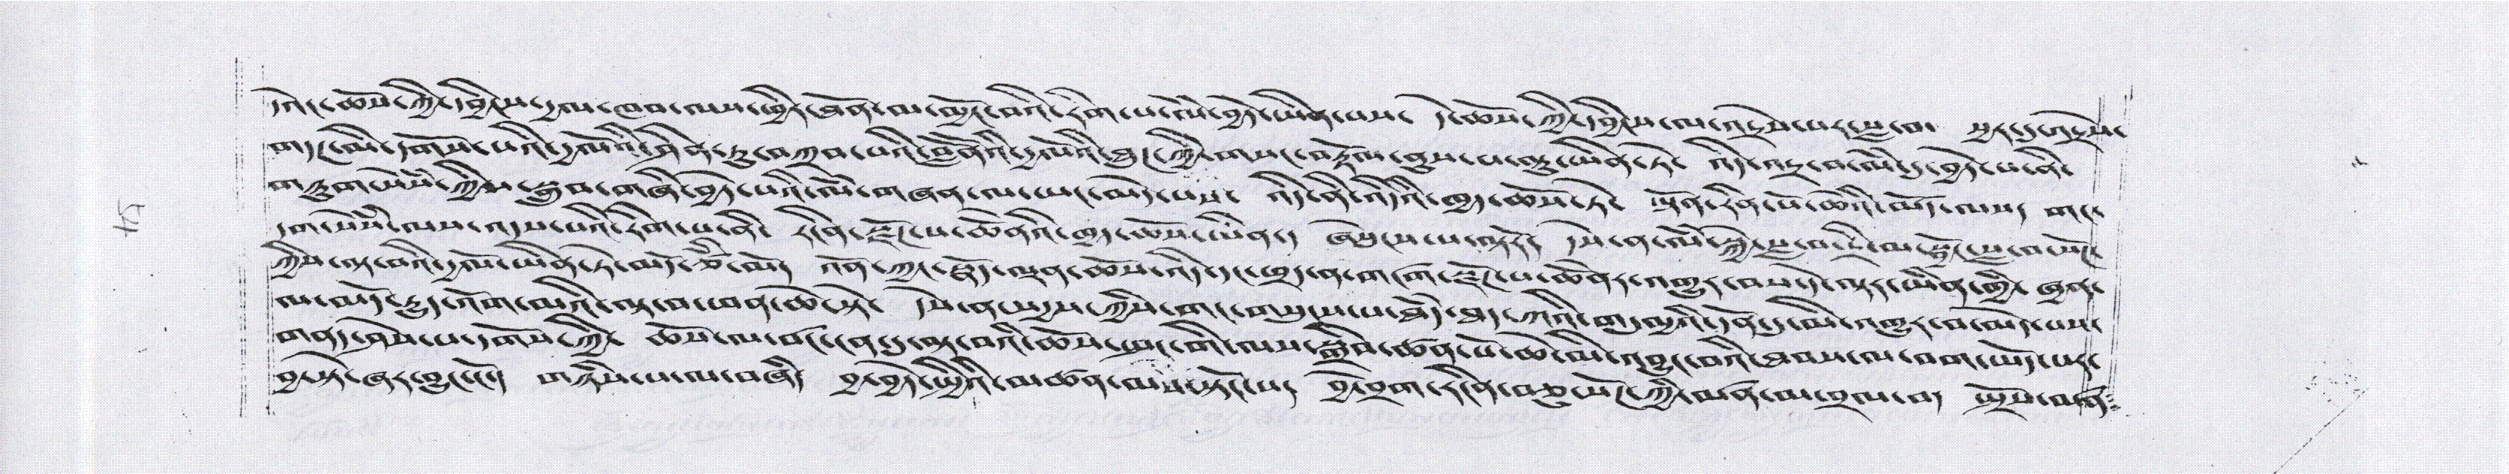དེ་ཡང་ཆོས་ཀྱི་དབྱིངས་རྒྱལ་ཁབ་ལས་ཕྱིར་ཐོན་མ་མྱོང་བའི་རིག་པ་ལམ་བྱེད་ཡིན་པས། དེ་ཆོས་ཀྱི་དབྱིངས་ལ་འདྲེས་པར་སླ་བ། གསར་དུ་འདྲེས་
གདགས་མི་དགོས་པའི་རྒྱལ་པོ་ཤིན་ཏུ་བཀྲབ་པའི་བློན་པོས་རྒྱལ་པོའི་ཐུགས་ཀྱི་གསང་བརྟོལ་ནུས་པ་ལྟ་བུ་ཡིན་ཏེ། འདི་འདྲ་བ་ལམ་དུ་བྱེད་པ་ནི་
གཉུག་སེམས་ཀྱིས་སྒྲུབ་གཞི་བྱེད་པའི་ལམ་གཞན་ལ་ཡང་མེད་པས་འདི་ནི་འདིའི་ཁྱད་ཆོས་ཏེ། ཡོན་ཏན་རིན་པོ་ཆེའི་མཛོད་ལས། གང་
དག་སེམས་ལས་འདས་པའི་རིག་པ་ནི། རང་བཞིན་རྫོགས་པ་ཆེན་པོའི་ཁྱད་ཆོས་ཡིན། ཞེས་གསུངས་པ་ལྟར་རོ། དེས་ན་ལམ་སྐྱེ་སླ་བ་དྲི་མ་སྦྱོང་སླ་བ་སོགས་
ཀྱིས་ལྟ་བའི་རྒྱལ་པོ་ཡིན་ཏེ་མདོ་ཙམ་མོ། འོན་ཀྱང་སྣོད་ལྡན་ཆོས་འདི་དང་འཕྲད་ན་གང་ཟག་རྫོགས་པ་ཆེན་པོར་འགྱུར་བས་དེ་ལྟར་ཡིན་གྱི་གཞན་
ལ་མདོ་རྒྱུད་འོག་མའི་ལྟ་བ་ཕན་ཆེ་སྟེ། དེས་ན་སངས་རྒྱས་ཀྱིས་གང་གསུངས་པ་ཐམས་ཅད་ཐད་ཀའི་གདུལ་བྱའི་དོན་དུ་མི་འགྱུར་བ་མེད་པས་
གནད་ཤེས་པ་དགོས་ཀྱི། ཆོས་ལ་བཟང་ངན་དུ་ལྟ་བའི་ཆོས་སྤང་གི་ལས་སྒྲིབ་ཚན་པོ་ཆེ་མི་འབྱུང་བའི་ཐབས་ལ་བག་ཡོད་པར
་བྱ་སྟེ་ཞར་བྱུང་ངོ་། གཉིས་པ་ལ་བཞི། བྱ་བྱེད་སྤྱི་ཡི་མཚན་མས་སྟོང་པ། བྱེ་བྲག་རང་བཞིན་བཅུ་སོགས་ཀྱི་མཚན་མ་བྲལ་བ། སྤྲོས་མཚན་